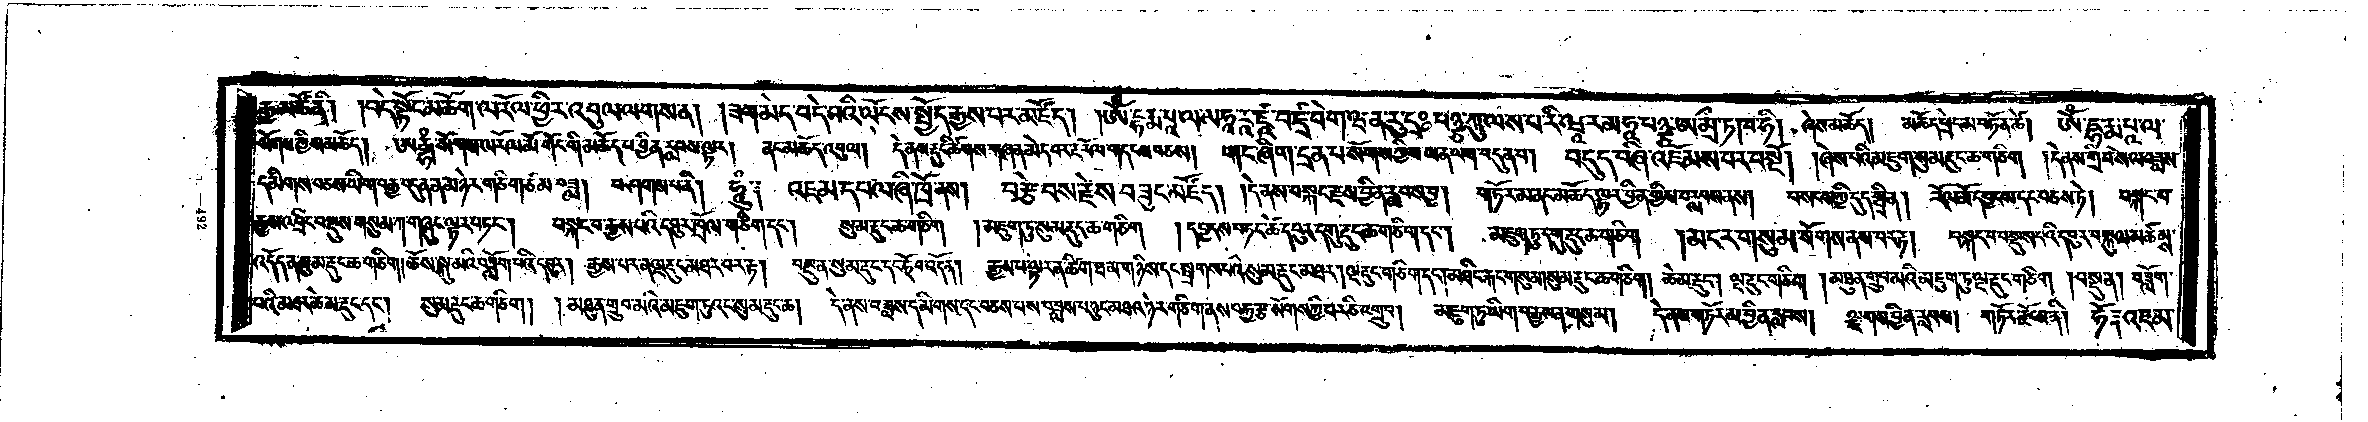རྒྱ་མཚོ་ནི། །བདེ་སྟོང་མཆོག་ལ་རོལ་ཕྱིར་འབུལ་ལགས་ན། །ཟག་མེད་བདེ་བའི་ལོངས་སྤྱོད་རྒྱས་པར་མཛོད། །ཨོཾ་དྷརྨ་པཱ་ལ་མཧཱ་རཱ་ཛཱ་བཛྲ་བེག་ཝན་རུ་དྲཿཔཉྩ་ཀཱུ་ལ་ས་པ་རི་ཝཱ་ར་མཧཱ་པཉྩ་ཨ་ཡྀ?་ཏ་ཁ་ཧི། ཞེས་མཆོད། མཆོད་ཕྲེང་མ་བཏོན་ཚེ།  ཨོཾ་དྷརྨ་པཱ་ལ་
སོགས་ཀྱིས་མཆོད། ཨརྒྷཾ་སོགས་ལ་རོལ་མོ་གོང་གི་མཆོད་པ་བྱིན་རླབས་ལྟར། ནང་མཆོད་འབུལ། དེ་ནས་རྡུང་ཚིགས་གཞན་མེད་པར་རྔ་རོལ་གདངས་བཅས།  གང་ཞིག་དྲན་པ་སོགས་ཀྱིས་ལན་ལག་བདུན་པ།  བདུད་བཞི་འཛོམས་པར་བསྔོ། །ཞེས་པའི་མཇུག་སུམ་རྡུང་ཆ་གཅིག །དེ་ནས་གྲིབ་སེལ་བཟླས་
དམིགས་བཅས་ཡིག་བརྒྱ་བདུན་ནམ་ཉེར་གཅིག་ཙམ་བཟླ། བཤགས་པ་ནི། ཧཱུཾ༑ འཇམ་དཔལ་ཞི་ཁྲོ་ནས།  བརྩེ་བས་རྗེས་བཟུང་མཛོད། །དེ་ནས་བསྐང་རྫས་བྱིན་རླབས་བྱ། གཏོར་མ་ནང་མཆོད་ལྟར་བྱིན་གྱིས་བརླབས་ནས། བསངས་ཀྱི་དུད་སྦྲིན། རོལ་མོ་དབྱངས་དང་བཅས་ཏེ། བསྐང་བ་
རྒྱས་འབྲིང?་བསྡུས་གསུམ་ཀ་གཞུང་ལྟར་བཏང་། བསྐང་བརྒྱས་པའི་དབུར་ཁྲོལ་གཅིག་དང་། སུམ་རྡུང་ཆ་གཅིག །མཇུག་ཏུ་སུམ་རྡུང་ཆ་གཅིག །དབྱངས་བཏང་ཚེ་དབུར་དགུ་རྡུང་ཆ་གཅིག་དང་། འཇུག་ཏུ་དགུ་རྡུང་ཆ་གཅིག །མངར་གསུམ་སོགས་ནས་བར་རྟ། བསྐང་བ་བསྡུས་པའི་དབུར་བསྐུལ་མཚམས་
འདོད་ན་སུམ་རྡུང་ཆ་གཅིག །ཆོས་སྐུ་མའི་བཟློག་བའི་དབུར། རྒྱས་པར་ན་ལྔ་རྡུང་མཐར་བར་རྟ། བསྡུན་སུམ་རྡུང་དང་ཧྲོབ་འདོན། རྒྱས་པ་ལྟར་ན་ཚིག་ཐམ་གཉིས་དང་སྦྲགས་པའི་སུམ་རྡུང་མཐར་།ལྔ་རྡུང་གཅིག་དང་། མཐིང་རྐང་གསུམ། སུམ་རྡུང་ཆ་གཅིག། ཆེ་མ་རྡུང་། ལྔ་རྡུང་གཅིག །མཐུན་གྲུབ་མའི་མཇུག་ཏུ་ལྔ་རྡུང་གཅིག །བསྡུན། བཟློག་
པའི་མཐར་ཆེམ་རྡུར་དང་། སུམ་རྡུང་ཆ་གཅིག། །མཐུན་གྲུབ་མའི་མཇུག་ཏུའང་སུམ་རྡུང་ཆ། དེ་ནས་བཟླས་དམིགས་དང་བཅས་པས་བཟླས་པ་ཉུང་མཐའ་ཉེར་གཅིག་ནས་བརྒྱ་རྩ་སོགས་ཀྱི་བར་ཅི་འགྲུབ། མཇུག་ཏུ་ཡིག་བརྒྱ་ལན་གསུམ། དེ་ནས་གཏོར་མ་བྱིན་རླབས། ལྗགས་བྱིན་རླབས། གཏོར་རྗོ་ས་ནི། ཧོཿ འཇ་